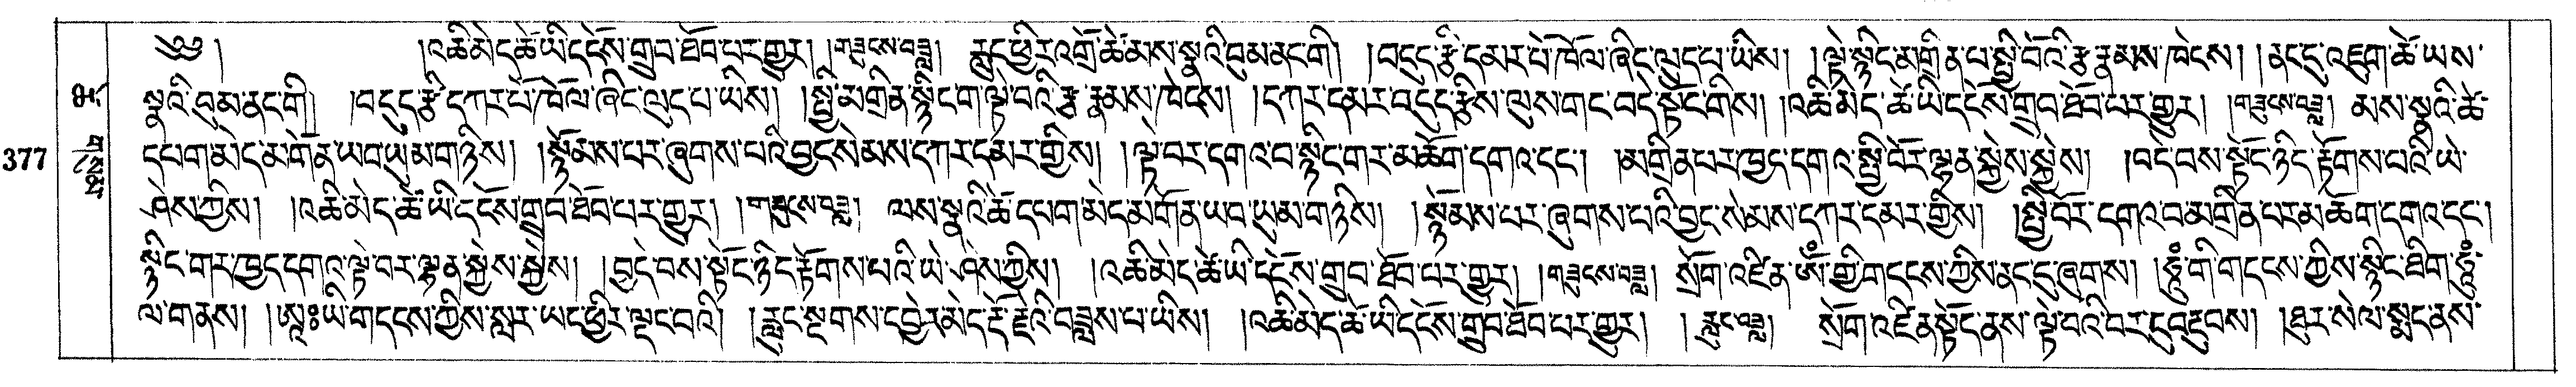༄༅། །འཆི་མེད་ཚེ་ཡི་དངོས་གྲུབ་ཐོབ་པར་གྱུར། །གཟུངས་བཟླ།  རླུང་ཕྱིར་འགྲོ་ཚེ་མས་སྣའི་བུམ་ནང་གི། །བདུད་རྩི་དམར་པོ་ཁོལ་ཞིང་ལུད་པ་ཡིས། །ལྟེ་སྙིང་མགྲིན་པ་སྤྱི་བོའི་རྩ་རྣམས་ཁེངས། །ནང་དུ་འཇུག་ཚེ་ཡས་
སྣའི་བུམ་ནང་གི། །བདུད་རྩི་དཀར་པོ་ཁོལ་ཞིང་ལུད་པ་ཡིས། །སྤྱི་མགྲིན་སྙིང་ག་ལྟེ་བའི་རྩ་རྣམས་ཁེངས། །དཀར་དམར་བདུད་རྩིས་ལུས་གང་བདེ་སྟོང་གིས། །འཆི་མེད་ཚེ་ཡི་དངོས་གྲུབ་ཐོབ་པར་གྱུར། །གཟུངས་བཟླ།  མས་སྣའི་ཚེ་
དཔག་མེད་མགོན་ཡབ་ཡུམ་གཉིས། །སྙོམས་པར་ཞུགས་པའི་བྱང་སེམས་དཀར་དམར་གྱིས། །ལྟེ་བར་དགའ་བ་སྙིང་གར་མཆོག་དགའ་དང་། །མགྲིན་པར་ཁྱད་དགའ་སྤྱི་བོར་ལྷན་སྐྱེས་སྐྱེས། །བདེ་བས་སྟོང་ཉིད་རྟོགས་པའི་ཡེ་
ཤེས་ཀྱིས། །འཆི་མེད་ཚེ་ཡི་དངོས་གྲུབ་ཐོབ་པར་གྱུར། །གཟུངས་བཟླ།  ལས་སྣའི་ཚེ་དཔག་མེད་མགོན་ཡབ་ཡུམ་གཉིས། །སྙོམས་པར་ཞུགས་པའི་བྱང་སེམས་དཀར་དམར་གྱིས། །སྤྱི་བོར་དགའ་བ་མགྲིན་པར་མཆོག་དགའ་དང་།
སྙིང་གར་ཁྱད་དགའ་ལྟེ་བར་ལྷན་སྐྱེས་སྐྱེས། །བདེ~྾་བས་སྟོང་ཉིད་རྟོགས་པའི་ཡེ་ཤེས་ཀྱིས། །འཆི་མེད་ཚེ་ཡི་དངོས་གྲུབ་ཐོབ་པར་གྱུར། །གཟུངས་བཟླ།  སྲོག་འཛིན་ཨོཾ་གྱི་གདངས་ཀྱིས་ནང་དུ་ཞུགས། །ཧཱུཾ་གི་གདངས་ཀྱིས་སྙིང་ཐིག་ཧཱུཾ་
ལ་གནས། །ཨཱཿ ཡི་གདངས་ཀྱིས་སླར་ཡང་ཕྱིར་ལྡང་བའི། །རླུང་སྔགས་དབྱེར་མེད་རྡོ་རྗེའི་བཟླས་པ་ཡིས། །འཆི་མེད་ཚེ་ཡི་དངོས་གྲུབ་ཐོབ་པར་གྱུར། །རླུང་བཟླ།  སྲོག་འཛིན་སྟོད་ནས་ལྟེ་བའི་བར་དུ་བརྔུབས། །ཐུར་སེལ་སྨད་ནས་